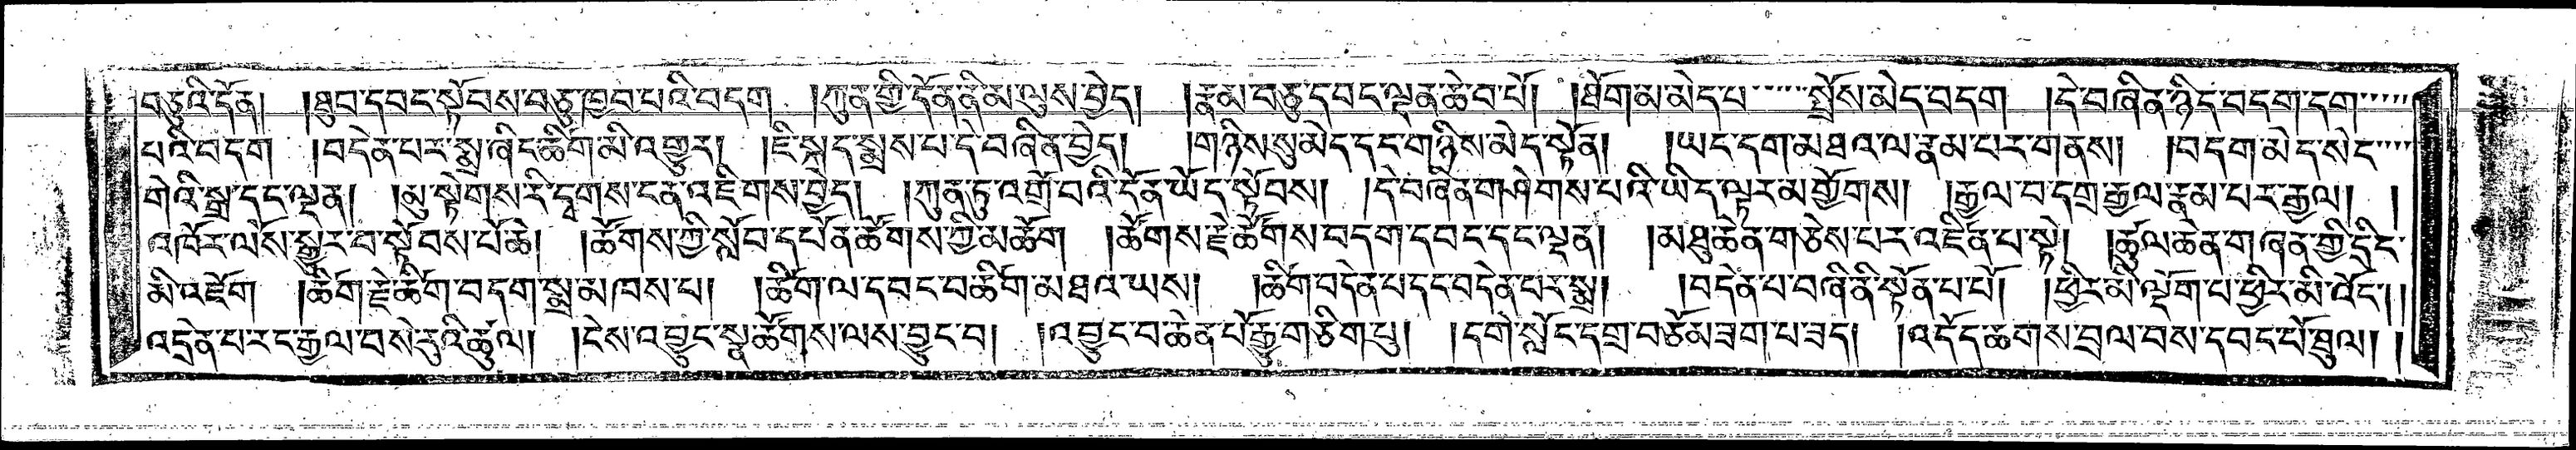བཅུའི་དོན། །ཐུབ་དབང་སྟོབས་བཅུ་ཁྱབ་པའི་བདག །ཀུན་གྱི་དོན་ནི་མ་ལུས་བྱེད། །རྣམ་བཅུ་དབང་ལྡན་ཆེ་བ་པོ། །ཐོག་མ་མེད་པ་སྤྲོས་མེད་བདག །དེ་བཞིན་ཉིད་བདག་དག་
པའི་བདག །བདེན་པར་སྨྲ་ཞིང་ཚིག་མི་འགྱུར། །ཇི་སྐད་སྨྲས་པ་དེ་བཞིན་བྱེད། །གཉིས་སུ་མེད་དང་གཉིས་མེད་སྟོན། །ཡང་དག་མཐའ་ལ་རྣམ་པར་གནས། །བདག་མེད་སེང་
གེའི་སྒྲ་དང་ལྡན། །མུ་སྟེགས་རི་དྭགས་ངན་འཇིགས་བྱེད། །ཀུན་ཏུ་འགྲོ་བའི་དོན་ཡོད་སྟོབས། །དེ་བཞིན་གཤེགས་པའི་ཡིད་ལྟར་མགྱོགས། །རྒྱལ་བ་དགྲ་རྒྱལ་རྣམ་པར་རྒྱལ། །
འཁོར་ལོས་སྒྱུར་བ་སྟོབས་པོ་ཆེ། །ཚོགས་ཀྱི་སློབ་དཔོན་ཚོགས་ཀྱི་མཆོག །ཚོགས་རྗེ་ཚོགས་བདག་དབང་དང་ལྡན། །མཐུ་ཆེན་གཅེས་པར་འཛིན་པ་སྟེ། །ཚུལ་ཆེན་གཞན་གྱི་དྲིང་
མི་འཇོག །ཚིག་རྗེ་ཚིག་བདག་སྨྲ་མཁས་པ། །ཚིག་ལ་དབང་བ་ཚིག་མཐའ་ཡས། །ཚིག་བདེན་པ་དང་བདེན་པར་སྨྲ། །བདེན་པ་བཞི་ནི་སྟོན་པ་པོ། །ཕྱིར་མི་ལྡོག་པ་ཕྱིར་མི་འོང་། །
འདྲེན་པ་རང་རྒྱལ་བསེ་རུའི་ཚུལ། །ངེས་འབྱུང་སྣ་ཚོགས་ལས་བྱུང་བ། །འབྱུང་བ་ཆེན་པོ་རྒྱུ་གཅིག་པུ། །དགེ་སློང་དགྲ་བཅོམ་ཟག་པ་ཟད། །འདོད་ཆགས་བྲལ་བས་དབང་པོ་ཐུལ། །